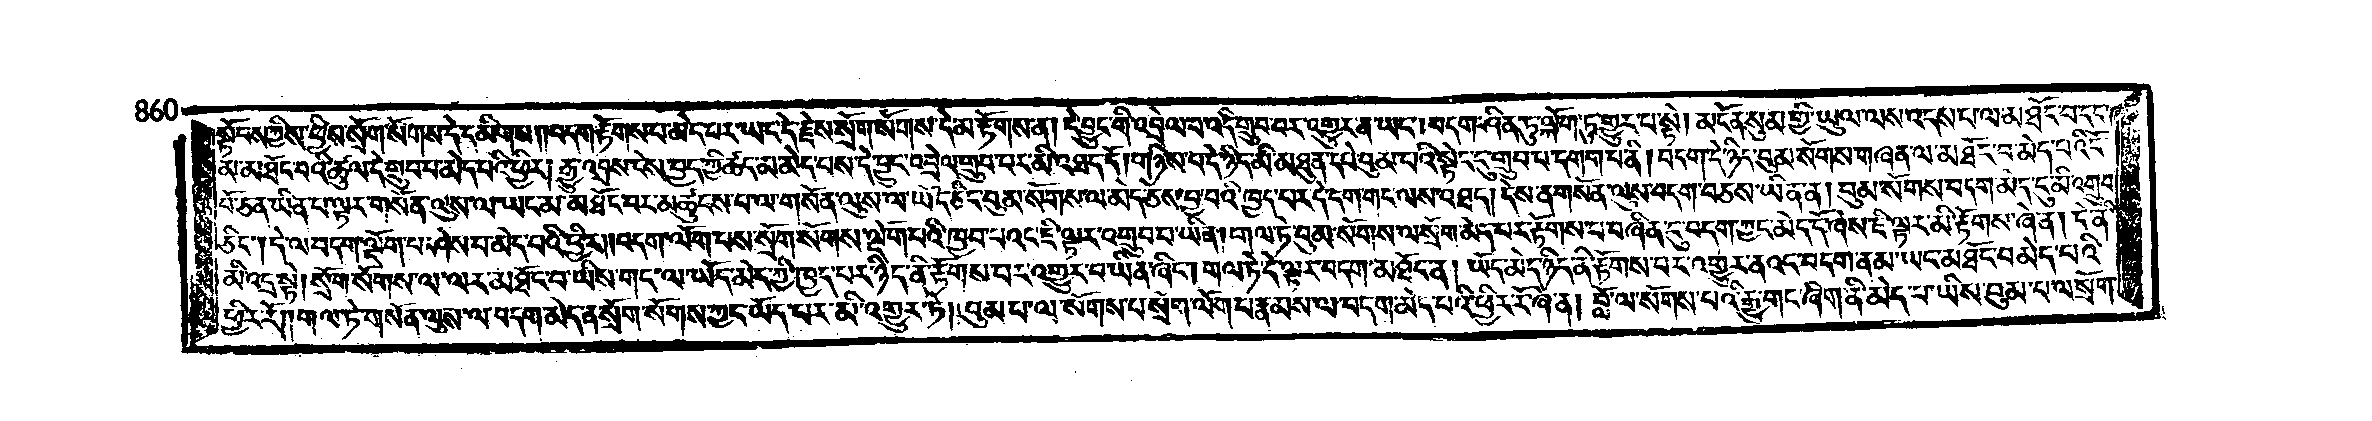།སྟོབས་ཀྱིས་ཕྱིས་སྲོག་སོགས་དེ་དམིགས། །བདག་རྟོགས་པ་མེད་པར་ཡང་དེ་རྗེས་སྲོག་སོགས་དེ་མ་རྟོགས་ན། དེ་བྱུང་གི་འབྲེལ་བ་འདི་གྲུབ་པར་འགྱུར་ན་ཡང་། བདག་ཤིན་ཏུ་ལྐོག་ཏུ་གྱུར་པ་སྟེ། མངོན་སུམ་གྱི་ཡུལ་ལས་འདས་པ་ལ་མཐོང་བ་དང་
མ་མཐོང་བའི་ཚུལ་དེ་གྲུབ་པ་མེད་པའི་ཕྱིར། རྒྱུ་འབྲས་ངེས་བྱེད་ཀྱི་ཚད་མ་མེད་པས་དེ་བྱུང་འབྲེལ་གྲུབ་པར་མི་འཐད་དོ། །གཉིས་པ་དེ་ཉིད་མི་མཐུན་དཔེ་བུམ་པའི་སྟེང་དུ་གྲུབ་པ་དགག་པ་ནི། བདག་དེ་ཉིད་བུམ་སོགས་གཞན་ལ་མཐོང་བ་མེད་པའི་ངོ་བོ་ཅན་ཡིན་པ་ལྟར་གསོན་ཇུས་ལ་ཡང་མ་མཐོང་བར་མཚུངས་པ་ལ་གསོན་ལུས་ལ་ཡོད་ཅིང་བུམ་སོགས་ལ་མེད་ཅེས་བྱ་བའི་ཁྱད་པར་དེ་དག་གང་ལས་འཐད། དེས་ན་གསོན་ལུགས་བདག་བཅས་ཡིན་ན། བུམ་སོགས་བདག་མེད་དུ་མི་སྒྲུབ་
ཅིང་།དེ་ལ་བདག་ལྡོག་པ་ཤེས་པ་མེད་པའི་ཕྱིར། །བདག་ལོག་པས་སྲོག་སོགས་ལྡོག་པའི་ཁྱབ་པའང་ཇི་ལྟར་འགྲུབ་པ་ཡིན། གལ་ཏེ་བུམ་སོགས་ལ་སྲོག་མེད་པར་རྟོགས་པ་བཞིན་དུ་བདག་ཀྱང་མེད་དོ། ཞེས་ཇི་ལྟར་མི་རྟོགས་ཞེ་ན། དེ་ནི་
མི་འདྲ་སྟེ། སྲོག་སོགས་ལ་ལར་མཐོང་བ་ཡིས་གང་ལ་ཡོད་མེད་ཀྱི་ཁྱད་པར་ཉིད་ནི་རྟོགས་པར་འགྱུར་བ་ཡིན་ཞིང་། གལ་ཏེ་དེ་ལྟར་བདག་མཐོང་ན། ཡོད་མེད་ཉིད་ནི་རྟོགས་པར་འགྱུར་ནའང་བདག་ནམ་ཡང་མཐོང་བ་མེད་པའི་
ཕྱིར་རོ། །གལ་ཏེ་གསོན་ལུས་ལ་བདག་མེད་ན་སྲོག་སོགས་ཀྱང་ཡོད་པར་མི་འགྱུར་ཏེ། བུམ་པ་ལ་སོགས་པ་སྲོག་ལོག་པ་རྣམས་ལ་བདག་མེད་པའི་ཕྱིར་རོ་ཞེ་ན། བློ་ལ་སོགས་པའི་རྒྱུ་གང་ཞིག་ནི་མེད་པ་ཡིས་བུམ་པ་ལ་སྲོག་